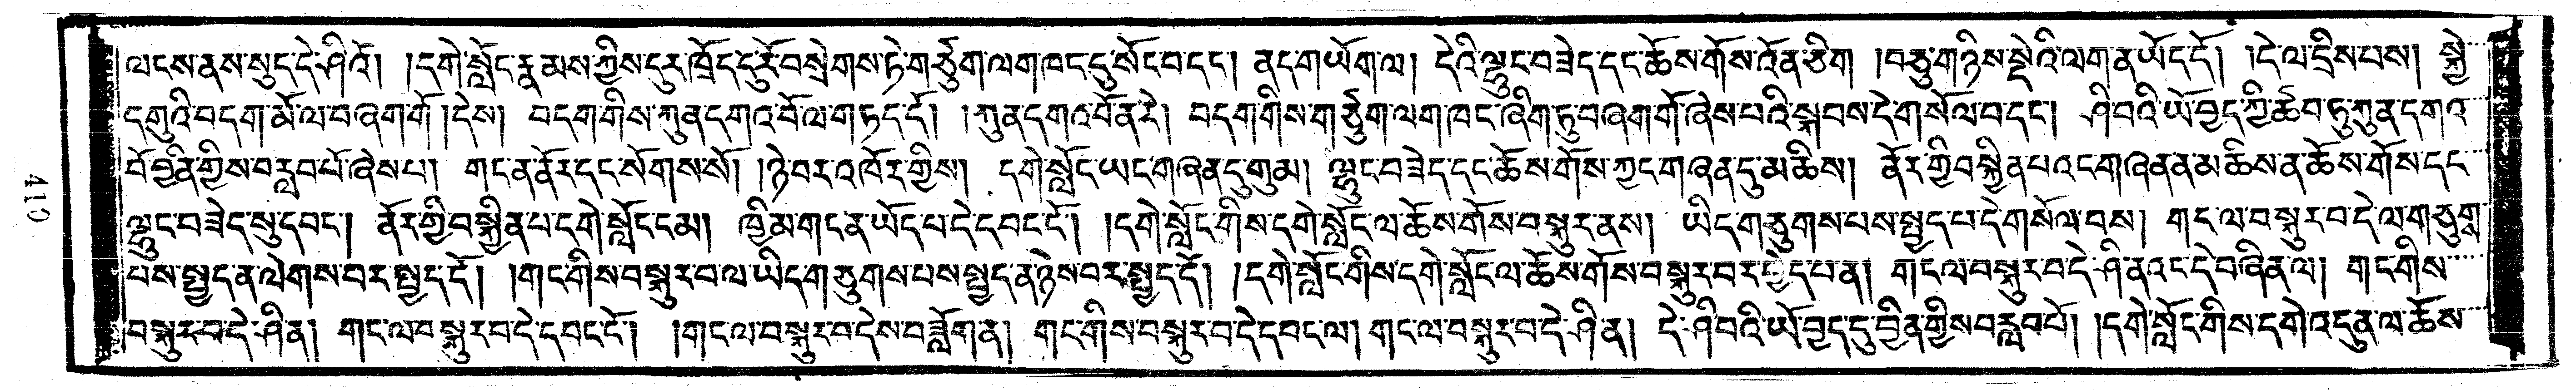ལངས་ནས་སུང་དེ་ཤིའོ། །དགེ་སློང་རྣམས་ཀྱིས་དུར་ཁྲོད་དུ་རོ་བསྲེགས་ཏེ་གཙུག་ལག་ཁང་དུ་སོང་བ་དང་། ནད་གཡོག་ལ། དེའི་ལྷུང་བཟེད་དང་ཆོས་གོས་འོན་ཅིག །བཅུ་གཉིས་སྡེའི་ལག་ན་ཡོད་དོ། །དེ་ལ་དྲིས་པས། སྐྱེ་
དགུའི་བདག་མོ་ལ་བཞག་གོ །དེས། བདག་གིས་ཀུན་དགའ་བོ་ལ་གཏད་ངོ། །ཀུན་དགའ་བོ་ན་རེ། བདག་གིས་གཙུག་ལག་ཁང་ཞིག་ཏུ་བཞག་གོ་ཞེས་པའི་སྐབས་དེ་གསོལ་བ་དང་། ཤི་བའི་ཡོ་བྱད་ཀྱི་ཚབ་ཏུ་ཀུན་དགའ་
བོ་བྱིན་གྱིས་བརླབ་པོ་ཞེས་པ། གང་ན་ནོར་དང་སོགས་སོ། །ཉེ་བར་འཁོར་གྱིས། དགེ་སློང་ཡང་གཞན་དུ་གུམ། ལྷུང་བཟེད་དང་ཆོས་གོས་ཀྱང་གཞན་དུ་མཆིས། ནོར་གྱི་བསྐྱིན་པའང་གཞན་ན་མཆིས་ན་ཆོས་གོས་དང་
ལྷུང་བཟེད་སུ་དབང་། ནོར་གྱི་བསྐྱིན་པ་དགེ་སློང་ངམ། ཁྱིམ་གང་ན་ཡོད་པ་དེ་དབང་ངོ། །དགེ་སློང་གིས་དགེ་སློང་ལ་ཆོས་གོས་བསྐུར་ནས། ཡིད་གཅུགས་པས་སྤྱད་པ་དེ་གསོལ་བས། གང་ལ་བསྐུར་བ་དེ་ལ་གཅུགས་
པས་སྤྱད་ན་ལེགས་པར་སྤྱད་དོ། །གང་གིས་བསྐུར་བ་ལ་ཡིད་གཅུགས་པས་སྤྱད་ན་ཉེས་བར་སྤྱད་དོ། །དགེ་སློང་གིས་དགེ་སློང་ཆོས་གོས་བསྐུར་བར་བྱེད་པ་ན། གང་ལ་བསྐུར་བ་དེ་ཤི་ནའང་དེ་བཞིན་ལ། གང་གིས་
བསྐུར་བ་དེ་ཤི་ན། གང་ལ་བསྒུར་བ་དེ་དབང་ངོ། །གང་ལ་བསྐུར་བ་དེས་བཟློག་ན། གང་གིས་བསྐུར་བ་དེ་དབང་ལ། གང་ལ་བསྐུར་བ་དེ་ཤི་ན། དེ་ཤི་བའི་ཡོ་བྱད་དུ་བྱིན་གྱིས་བརླབ་པོ། །དགེ་སློང་གིས་དགེ་འདུན་ལ་ཆོ་